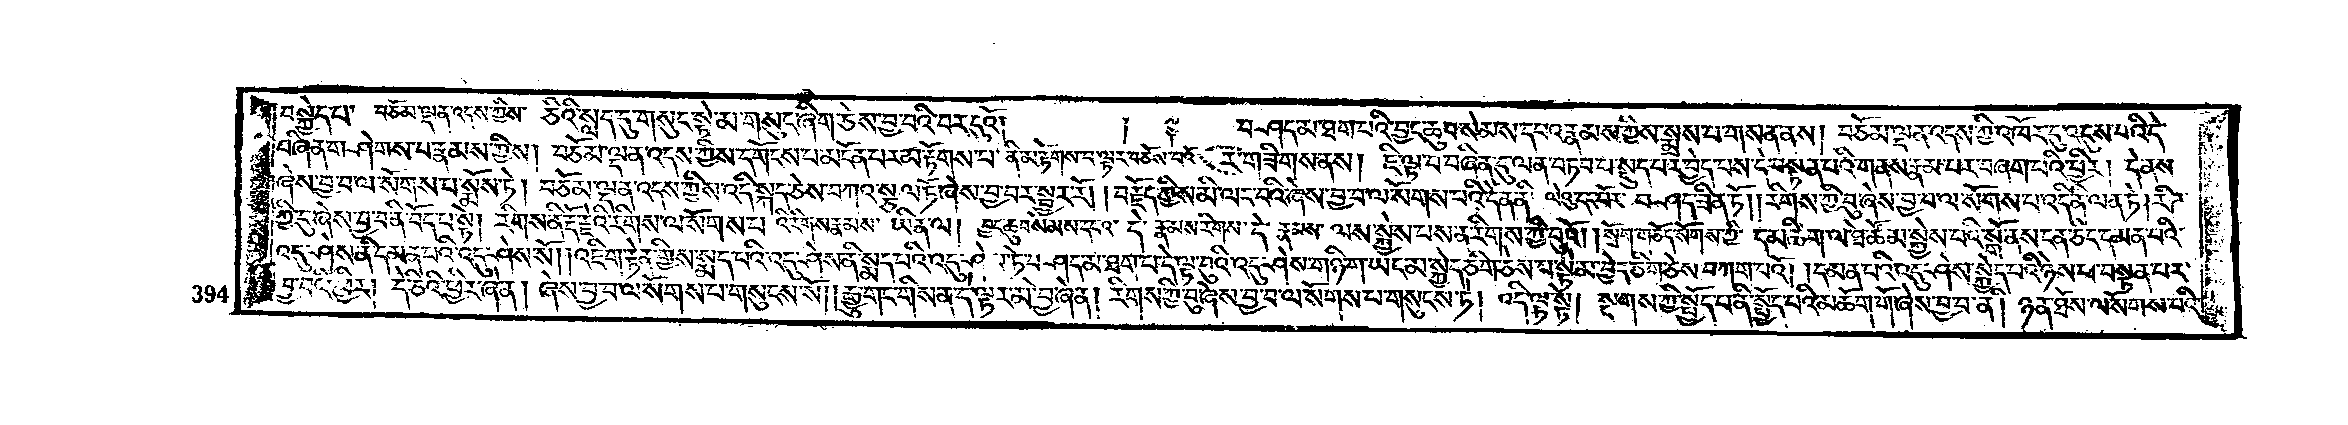བསྐྱེད་པ་བཅོམ་ལྡན་འདས་ཀྱིས་ཅིའི་སླད་དུ་གསུང་སྟེ་མ་གསུང་ཞིག་ཅེས་བྱ་བའི་བར་དུའོ། ། ༈ བཤད་མ་ཐག་པའི་བྱང་ཆུབ་སེམས་དཔའ་རྣམས་ཀྱིས་སྨྲས་པ་གསན་ནས། བཅོམ་ལྡན་འདས་ཀྱི་འཁོར་དུ་འདུས་པའི་དེ་
བཞིན་གཤེགས་པ་རྣམས་ཀྱིས། བཅོམ་ལྡན་འདས་ཀྱིས་དགོངས་པ་མངོན་པར་མ་རྟོགས་པ་ནི་མ་རྟོགས་པ་ལྟར་བཅོས་པའོ་ར་གཟིགས་ནས། ཇི་ལྟ་བ་བཞིན་དུ་ལན་བཏབ་པ་སྡུད་པར་བྱེད་པས་དེ་བསྟན་པའི་གནས་རྣམ་པར་བཞག་པའི་ཕྱིར། དེ་ནས་
ཞེས་བྱ་བ་ལ་སོགས་པ་སྨོས་ཏེ། བཅོམ་ལྡན་འདས་ཀྱིས་འདི་སྐད་ཅེས་བཀའ་སྩལ་ཏོ་ཞེས་བྱ་བར་སྦྱར་རོ། །བརྗོད་ཀྱིས་མི་ལང་བའི་ཞེས་བྱ་བ་ལ་སོགས་པའི་དོན་ནི་ལེའུ་དང་པོར་བཤད་ཟིན་ཏོ། །རིགས་ཀྱི་བུ་ཞེས་བྱ་བ་ལ་སོགས་པ་འདི་ནི་ལན་ཏེ། རིགས་
ཀྱི་དུ་ཞེས་བྱ་བ་ནི་བོད་པ་སྟེ། རིགས་ནི་རྡོ་རྗེའི་རིགས་ལ་སོགས་པའི་རིགས་རྣམས་ཡིན་ལ། བྱང་ཆུབ་སེམས་དཔའ་དེ་རྣམས་རིགས་དེ་རྣམས་ལས་སྐྱེས་པས་ན་རིགས་ཀྱི་བུའོ། ། སྲོག་གཅོད་སོགས་ཀྱི་དམ་ཚིག་ལ་ཐེ་ཚོམ་སྐྱེས་པའི་སྒོ་ནས་ངན་ཅིང་དམན་པའི་
འདུ་ཤེས་ནི་དམན་པའི་འདུ་ཤེས་སོ། །འཇིག་རྟེན་གྱིས་སྨད་པའི་འདུ་ཤེས་ནི་སྨད་པའི་འདུ་ཤེས་ཏེ་བཤད་མ་ཐག་པ་དེ་ལྟ་བུའི་འདུ་ཤེས་གཉི་ག་ཡང་མ་སྐྱེད་ཅིག་ཅེས་པ་སྟེ་མ་བྱེད་ཅིག་ཅེས་བཀག་པའོ། །དམན་པའི་འདུ་ཤེས་སྐྱེད་པའི་ཉེས་པ་བསྟན་པར་
བྱ་བའི་ཕྱིར། དེ་ཅིའི་ཕྱིར་ཞེ་ན། ཞེས་བྱ་བ་ལ་སོགས་པ་གསུངས་སོ། །རྒྱུ་གང་གིས་ན་དེ་ལྟར་མི་བྱ་ཞེ་ན། རིགས་ཀྱི་བུ་ཞེས་བྱ་བ་ལ་སོགས་པ་གསུངས་ཏེ། འདི་ལྟ་སྟེ། སྔགས་ཀྱི་སྤྱོད་པ་ནི་སྤྱོད་པའི་མཆོག་གོ་ཞེས་བྱ་བ་ནི། ཉན་ཐོས་ལ་སོགས་པའི་